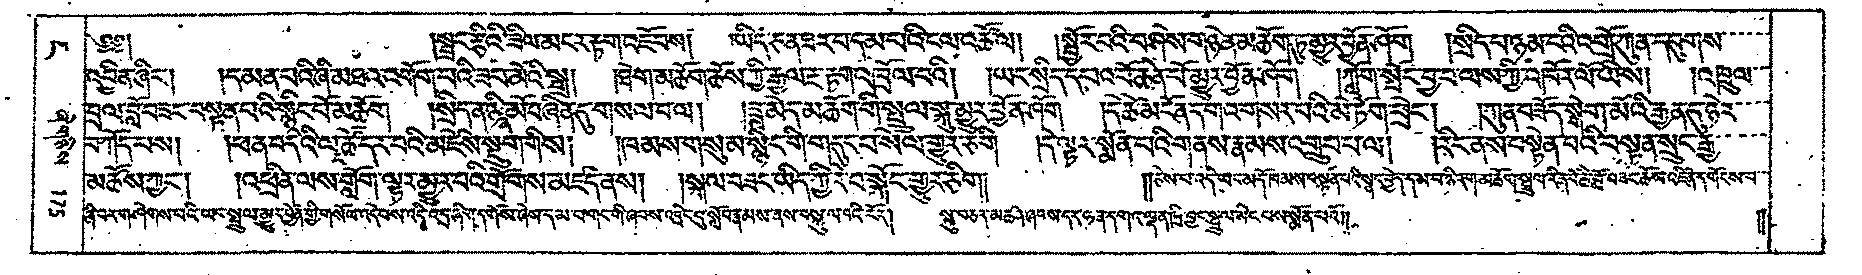༄༅། །སྦྲང་རྩིའི་ཟིལ་མངར་རྟག་འཇོབས། །ཡིད་ཅན་ཐར་པ་དམ་པའི་ངལ་འཚོ་ལ། །སྦྱོར་བའི་བཤེས་གཉེན་མཆོག་ཏུ་མྱུར་བྱོན་ཤོག །སྲིད་པ་ཉམ་ངའི་འགྲོ་ཀུན་དབུགས་
འབྱིན་ཞིང་། །དམན་པའི་ཞི་མཐའ་འགོག་པའི་ཟབ་མོའི་སྒྲ། །ཐེག་མཆོག་ཆོས་ཀྱི་རྒྱལ་རྔ་རྟག་འཁྲོལ་བའི། །ཡང་སྲིད་དཔའ་བོ་ཆེན་པོ་མྱུར་བྱོན་ཤོག །ཀློག་སྤོང་བྱ་བ་ལས་ཀྱི་འཁོར་ལོ་ཡིས། །འཁྲུལ་
བྲལ་བློ་བཟང་བསྟན་པའི་སྙིང་པོ་མཆོག །སྲིད་ན་ཉིན་མོ་བཞིན་དུ་གསལ་བ་ལ། །ཟླ་མེད་མཆོག་གི་སྤྲུལ་སྐུ་མྱུར་བྱོན་ཤོག །དེ་ཚེ་མངོན་དགའ་གསར་བའི་མེ་ཏོག་ཕྲེང་། །ཀུན་བཟོད་སྒེག་མོའི་རྒྱན་དུ་ཉེར་
བཀོད་པས། །ཕན་བདེའི་ལྔ་ཚོ་དར་བའི་མཛེས་སྡུག་གིས། །ཁམས་གསུམ་སྙིང་གི་གདུང་བ་སེལ་གྱུར་ཅིག །དེ་ལྟར་སྨོན་པའི་གནས་རྣམས་འགྲུབ་པ་ལ། །རིང་ནས་བསྟེན་པའི་བསྟན་སྲུང་རྒྱ་
མཚོས་ཀྱང་། །འཕྲིན་ལས་གློག་ལྟར་མྱུར་བའི་གྲོགས་མཛད་ནས། །སྐལ་བཟང་ཡིད་ཀྱི་རེ་བ་སྐོང་གྱུར་ཅིག ། །།ཅེས་པ་འདི་ཡང་མདོ་ཁམས་བསྟན་པའི་སྣང་བྱེད་དམ་པ་ཉི་རག་མཆོག་སྤྲུལ་རིན་པོ་ཆེ་བློ་བཟང་ཆོས་འཛིན་དགོངས་པ་
ཞི་བར་གཤེགས་པའི་ཡང་སྤྲུལ་མྱུར་བྱོན་གྱི་གསོལ་འདེབས་འདི་འདྲ་ཞིག་དགོས་ཞེས་དམ་པ་གང་གི་ཞབས་འབྲིང་བུ་སློབ་རྣམས་ནས་བསྐུལ་བའི་ངོར། སྐུ་བཅར་མཚན་ཞབས་དར་ཧན་དགའ་ལྡན་ཁྲི་བྱང་སྤྲུལ་མིང་པས་སྨོན་པའོ།། །།